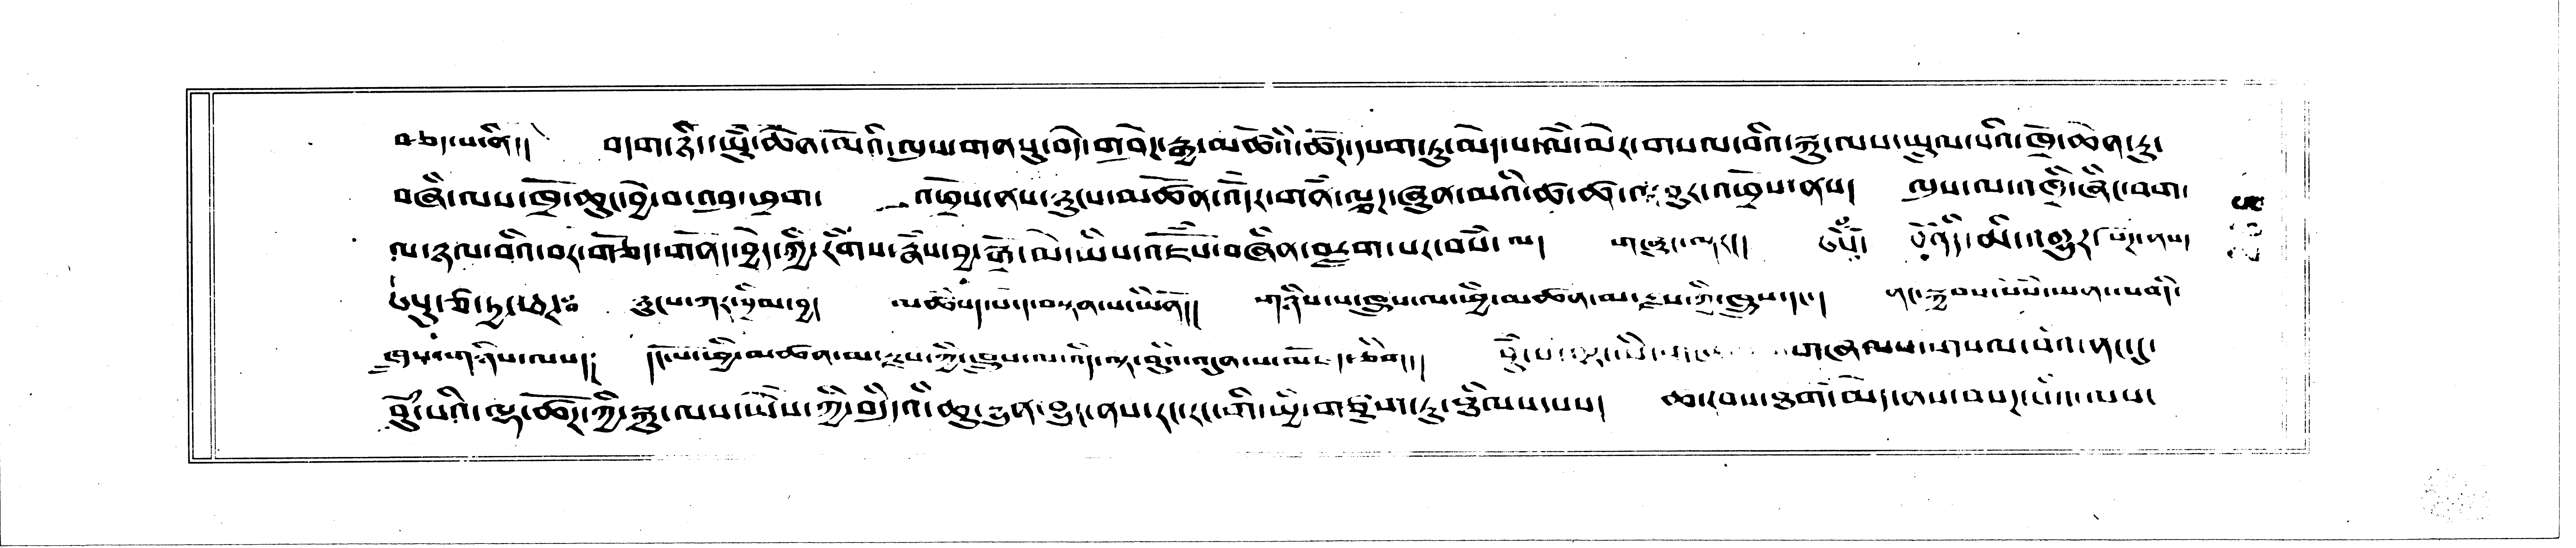བཅད་པ་ནི། བདག་ཉིད་ཡུམ་ཆེན་མོའི་ལུས་གནས་སུ། བདེར་གཤེགས་རྒྱ་མཚོའི་ཚོགས་དཔག་ཏུ་མེད་པ་ལམ་མེར་གསལ་བའི་སྐུ་ལས་སྤྲུལ་པའི་ཁྲོ་ཆེན་རུ་
བཞི་ལས་ཁྲོ་ཆུང་བྱེ་བ་འབུམ་ཕྲག་འཕྲོས་ནས་ཉུང་མཚོན་འོད་ཟེར་གནམ་ལྕགས་ཞུན་མའི་ཚ་ཚ་ལྟ་བུར་འཕྲོས་ནས། ལུས་ལ་འཁྲི་ཞིང་བག་
ལ་ཉལ་བའི་བར་གཅོད་གནོད་བྱེད་ཀྱི་རིགས་བྱ་སྒྲོ་མེ་ཡིས་འཇོམས་བཞིན་བརླག་པར་བསམ་ལ། གཞུང་ལྟར། ཨཱོྃ། བོན་ཉིད་མི་འགྱུར༑ སོགས་ནས།
ཨུ་ཙ་ཏྱ་ཕཊཿ ཉུངས་ཀར་བྲིམ་བྱ། མཚམས་བཅད་པ་དེ་བསྟན་པ་ཡིན་ནོ། །གཉིས་པ་ཁྲུས་ལ་ཕྱི་མཚན་མ་རྫས་ཀྱི་ཁྲུས་དང་། ནང་སྐྱབས་སེམས་ཡན་ལག་གི་
ཁྲུས་གཉིས་ལས། དང་པོ་ཕྱི་མཚན་མ་རྫས་ཀྱི་ཁྲུས་ལ་དང་པོ་འདི་ལྟ་བུའི་འདུན་པ་མཛོད་ཅིག།བུམ་པ་ལྷ་ཡི་གཞལ་ཡས་གསལ་བའི་ནང་དུ་
བུམ་པའི་ལྷ་ཚོགས་ཀྱི་སྐུ་ལས་ཡེ་ཤེས་ཀྱི་བདུད་རྩིའི་ཆུ་རྒྱུན་བྱུང་ནས་རང་རང་གི་སྤྱི་གཙུག་ཏུ་ཐིམ་པས། ཚེ་རབས་ཐོག་མེད་ནས་བསགས་པའི་ལས་